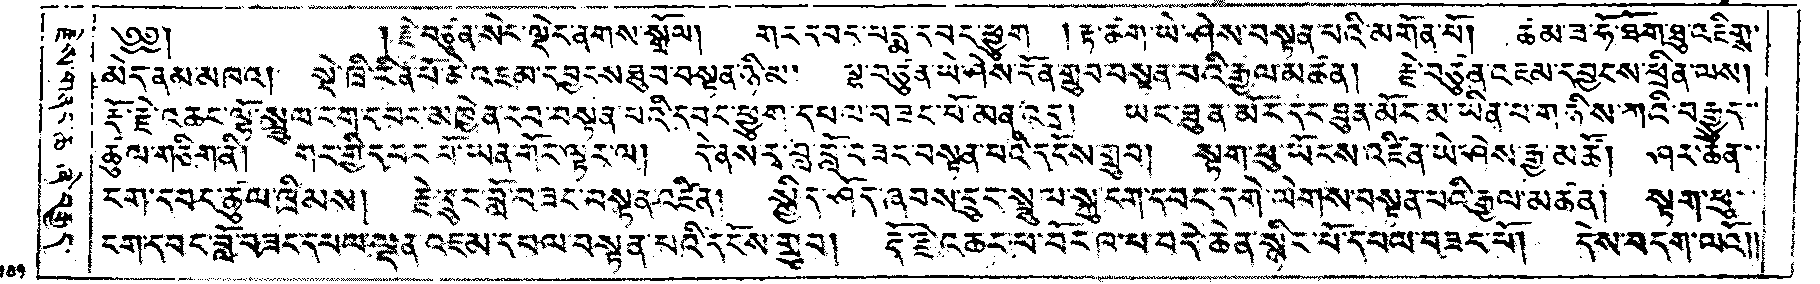༄༅། །རྗེ་བཙུན་སེང་ལྡེང་ནགས་སྒྲོལ། གར་དབང་པདམ་དབང་ཕྱུག །རྟ་ཚག་ཡེ་ཤེས་བསྟན་པའི་མགོན་པོ། ཚམ་ཟ་ཧོ་ཐོག་ཐུ་འཇིགས་
མེད་ནམ་མཁའ། སྡེ་ཁྲི་རིན་པོ་ཆེ་འཇམ་དབྱངས་ཐུབ་བསྟན་ཉི་མ། ལྷ་བཙུན་ཡེ་ཤེས་དོན་གྲུབ་བསྟན་པའི་རྒྱལ་མཚན། རྗེ་བཙུན་འཇམ་དབྱངས་ཕྲིན་ལས།
རྡོ་རྗེ་འཆང་ལྷོ་སྤྲུལ་ངག་དབང་མཁྱེན་རབ་བསྟན་པའི་དབང་ཕྱུག་དཔལ་བཟང་པོ་མན་འདྲ། ཡང་ཐུན་མོང་དང་ཐུན་མོང་མ་ཡིན་པ་གཉིས་ཀའི་བརྒྱུད་
ཚུལ་གཅིག་ནི། གར་གྱི་དབང་པོ་ཡན་གོང་ལྟར་ལ། དེ་ནས་རྭ་བླ་བློ་བཟང་བསྟན་པའི་དངོས་གྲུབ། སྟག་ཕུ་ཡོངས་འཛིན་ཡེ་ཤེས་རྒྱ་མཚོ། ཤར་ཆེན་
ངག་དབང་ཚུལ་ཁྲིམས། རྗེ་དྲུང་བློ་བཟང་བསྟན་འཛིན། སྐྱིད་ཤོད་ཞབས་དྲུང་སྤྲུལ་སྐུ་ངག་དབང་དགེ་ལེགས་བསྟན་པའི་རྒྱལ་མཚན། སྟག་ཕུ་
ངག་དབང་བློ་བཟང་དཔལ་ལྡན་འཇམ་དཔལ་བསྟན་པའི་དངོས་གྲུབ། རྡོ་རྗེ་འཆང་ཕ་བོང་ཁ་པ་བདེ་ཆེན་སྙིང་པོ་དཔལ་བཟང་པོ། དེས་བདག་ལའོ། །